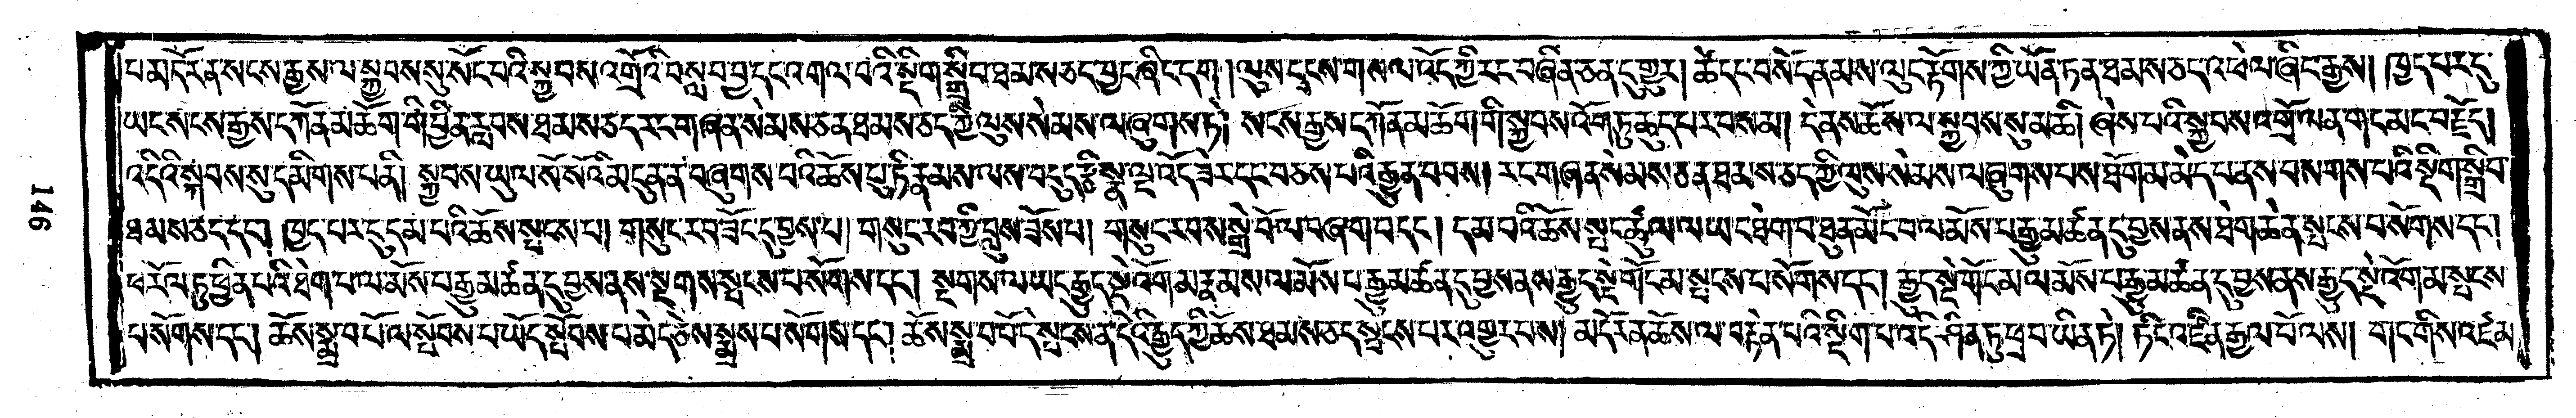པ་མདོར་ན་སངས་རྒྱས་ལ་སྐྱབས་སུ་སོང་བའི་སྐྱབས་འགྲོའི་བསླབ་བྱ་དང་འགལ་བའི་སྡིག་སྒྲིབ་ཐམས་ཅད་བྱང་ཞིང་དག །ལུས་དྭངས་གསལ་འོད་ཀྱི་རང་བཞིན་ཅན་དུ་གྱུར། ཚེ་དང་བསོད་ནམས་ལུང་རྟོགས་ཀྱི་ཡོན་ཏན་ཐམས་ཅད་འཕེལ་ཞིང་རྒྱས། ཁྱད་པར་དུ་
ཡང་སངས་རྒྱས་དཀོན་མཆོག་གི་བྱིན་རླབས་ཐམས་ཅད་རང་གཞན་སེམས་ཅན་ཐམས་ཅད་ཀྱི་ལུས་སེམས་ལ་ཞུགས་ཏེ། སངས་རྒྱས་དཀོན་མཆོག་གི་སྐྱབས་འོག་ཏུ་ཆུད་པར་བསམ། དེ་ནས་ཆོས་ལ་སྐྱབས་སུ་མཆི། ཞེས་པའི་སྐྱབས་འགྲོ་ལན་གང་མང་བརྗོད།
འདིའི་སྐབས་སུ་དམིགས་པ་ནི། སྐྱབས་ཡུལ་སོ་སོའི་མདུན་ན་བཞུགས་པའི་ཆོས་པུ་ཏི་རྣམས་ལས་བདུད་རྩི་སྣ་ལྔ་འོད་ཟེར་དང་བཅས་པའི་རྒྱུན་བབས། རང་གཞན་སེམས་ཅན་ཐམས་ཅད་ཀྱི་ལུས་སེམས་ལ་ཞུགས་པས་ཐོག་མ་མེད་པ་ནས་བསགས་པའི་སྡིག་སྒྲིབ་
ཐམས་ཅད་དང་། ཁྱད་པར་དུ་དམ་པའི་ཆོས་སྤངས་པ། གསུང་རབ་ཟོང་དུ་བྱས་པ། གསུང་རབ་ཀྱི་བླུས་ཟོས་པ། གསུང་རབས་སྒྲེ་བོ་ལ་བཞག་པ་དང་། དམ་བའི་ཆོས་སྤང་ཚུལ་ལ་ཡང་ཐེག་པ་ཐུན་མོང་བ་ལ་མོས་པ་རྒྱུ་མཚན་དུ་བྱས་ནས་ཐེག་ཆེན་སྤངས་པ་སོགས་དང་།
ཕ་རོལ་ཏུ་ཕྱིན་པའི་ཐེག་པ་ལ་མོས་བརྒྱུ་མཚན་དུ་བྱས་ནས་སྔགས་སྤངས་པ་སོགས་དང་། སྔགས་ལ་ཡང་རྒྱུད་སྡེ་འོག་མ་རྣམས་ལ་མོས་པ་རྒྱུ་མཚན་དུ་བྱས་ནས་རྒྱུད་སྡེ་གོང་མ་སྤངས་པ་སོགས་དང་། རྒྱུད་སྡེ་གོང་མ་ལ་མོས་པ་རྒྱུ་མཚན་དུ་བྱས་ནས་རྒྱུད་སྡེ་འོག་མ་སྤངས་
པ་སོགས་དང་། ཆོས་སྨྲ་བ་པོ་ལ་སྤོབས་པ་ཡོད་སྤོབས་པ་མེད་ཅེས་སྨྲས་པ་སོགས་དང་། ཆོས་སྨྲ་བ་པོ་དེ་སྤངས་ན་དེའི་རྒྱུད་ཀྱི་ཆོས་ཐམས་ཅད་སྤངས་པར་འགྱུར་བས། མདོར་ན་ཆོས་ལ་བརྟེན་པའི་སྡིག་པ་འདི་ཤིན་ཏུ་ཕྲ་བ་ཡིན་ཏེ། ཏིང་འཛིན་རྒྱལ་པོ་ལས། གང་གིས་འཛམ་